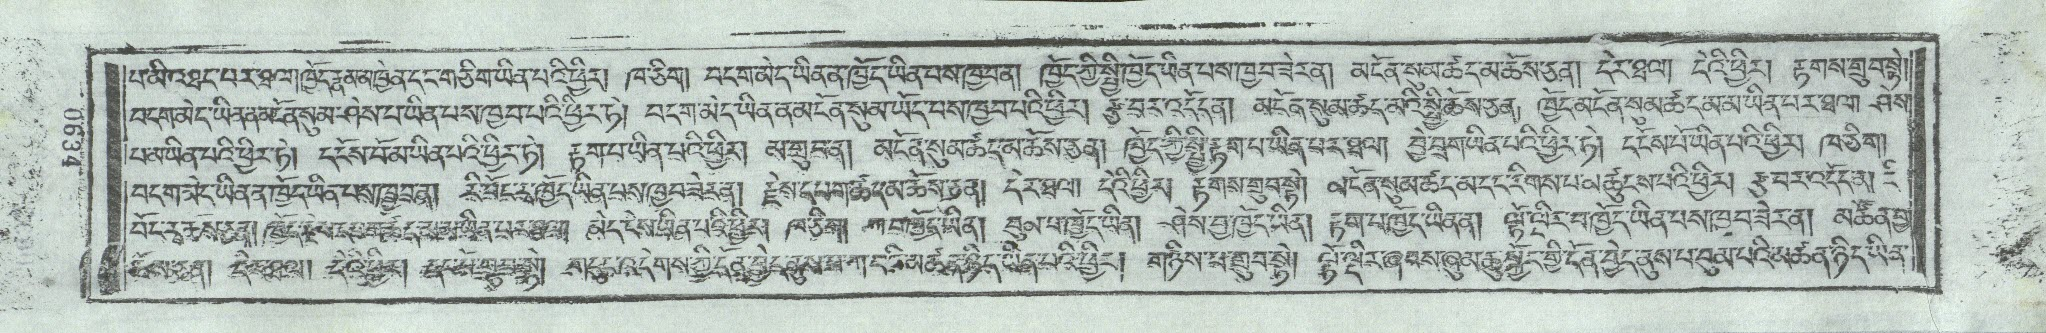པ་མི་འཐད་པར་ཐལ་ཁྱོད་རྣམ་མཁྱེན་དང་གཅིག་ཡིན་པའི་ཕྱིར། ཁ་ཅིག། བདག་མེད་ཡིན་ན་ཁྱོད་ཡིན་པས་ཁྱབ་ན། ཁྱོད་ཀྱི་སྤྱི་ཁྱོད་ཡིན་པས་ཁྱབ་ཟེར་ན། མངོན་སུམ་ཚད་མ་ཆོས་ཅན། དེར་ཐལ། དེའི་ཕྱིར། རྟགས་གྲུབ་སྟེ།
བདག་མེད་ཡིན་ན་མངོན་སུམ་ཤེས་པ་ཡིན་པས་ཁྱབ་པའི་ཕྱིར་ཏེ། བདག་མེད་ཡིན་ན་མངོན་སུམ་ཡོད་པས་ཁྱབ་པའི་ཕྱིར། རྩ་བར་འདོད་ན། མངོན་སུམ་ཚད་མའི་སྤྱི་ཆོས་ཅན། ཁྱོད་མངོན་སུམ་ཚད་མ་མ་ཡིན་པར་ཐལ། ཤེས་
པ་མ་ཡིན་པའི་ཕྱིར་ཏེ། དངོས་པོ་མ་ཡིན་པའི་ཕྱིར་ཏེ། རྟག་པ་ཡིན་པའི་ཕྱིར། མ་གྲུབ་ན། མངོན་སུམ་ཚད་མ་ཆོས་ཅན། ཁྱོད་ཀྱི་སྤྱི་རྟག་པ་ཡིན་པར་ཐལ། བྱེ་བྲག་ཡིན་པའི་ཕྱིར་ཏེ། དངོས་པོ་ཡིན་པའི་ཕྱིར། ཁ་ཅིག།
བདག་མེད་ཡིན་ན་ཁྱོད་ཡིན་པས་ཁྱབ་ན། རི་བོང་རྭ་ཁྱོད་ཡིན་པས་ཁྱབ་ཟེར་ན། རྗེས་དཔག་ཚད་མ་ཆོས་ཅན། དེར་ཐལ། དེའི་ཕྱིར། རྟགས་གྲུབ་སྟེ། མངོན་སུམ་ཚད་མ་དང་རིགས་པ་མཚུངས་པའི་ཕྱིར། རྩ་བར་འདོད་ན། རི་
བོང་རྭ་ཆོས་ཅན། ཁྱོད་རྗེས་དཔག་ཚད་མ་མ་ཡིན་པར་ཐལ། མེད་དེས་ཡིན་པའི་ཕྱིར། ཁ་ཅིག། ཀ་བ་ཁྱོད་ཡིན། བུམ་པ་ཁྱོད་ཡིན། ཤེས་བྱ་ཁྱོད་ཡིན། རྟག་པ་ཁྱོད་ཡིན་ན། ལྟོ་ལྡིར་བ་ཁྱོད་ཡིན་པས་ཁྱབ་ཟེར་ན། མཚོན་བྱ་
ཆོས་ཅན། དེར་ཐལ། དེའི་ཕྱིར། དང་པོ་གྲུབ་སྟེ། གདུང་འདེགས་ཀྱི་དོན་བྱེད་ནུས་པ་ཀ་བའི་མཚན་ཉིད་ཡིན་པའི་ཕྱིར། གཉིས་པ་གྲུབ་སྟེ། ལྟོ་ལྡིར་ཞབས་ཞུམ་ཆུ་སྐྱོར་གྱི་དོན་བྱེད་ནུས་པ་བུམ་པའི་མཚན་ཉིད་ཡིན་